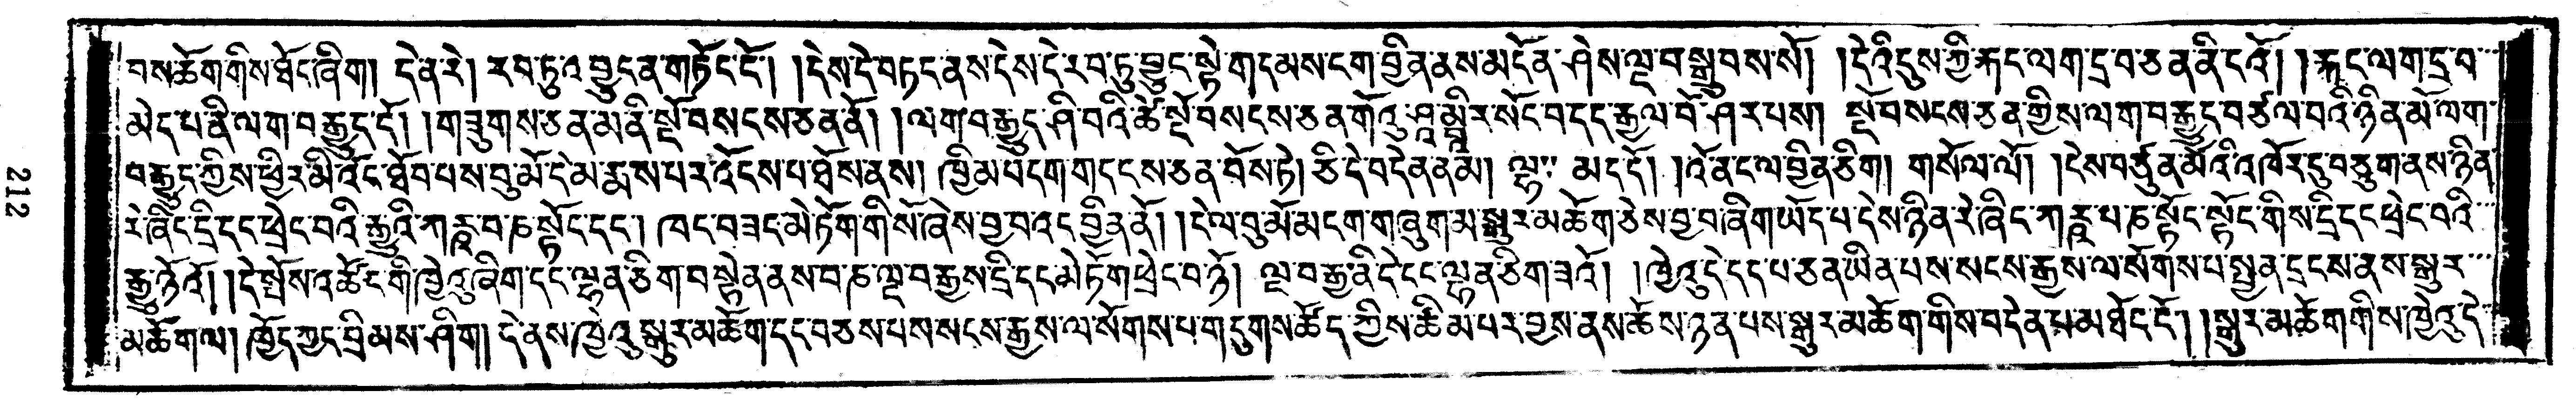བས་ཆོག་གིས་ཐོང་ཞིག། དེ་ན་རེ། རབ་ཏུ་འབྱུང་ན་གཏོང་ངོ། །དེས་དེ་བཏང་ནས་དེས་དེ་རབ་ཏུ་བྱུང་སྟེ་གདམས་ངག་བྱིན་ནས་མངོན་ཤེས་ལྔ་བསྒྲུབས་སོ། །དེའི་དུས་ཀྱི་རྐང་ལག་དྲ་བ་ཅན་ནི་ངའོ། །རྐང་ལག་དྲ་བ་
མེད་པ་ནི་ལག་བརྒྱུད་དོ། །གཟུགས་ཅན་མ་ནི་སྔོ་བསངས་ཅན་ནོ། །ལག་བརྒྱུད་ཤི་བའི་ཚེ་སྔོ་བསངས་ཅན་གོའུ་ཤཱ་མྦཱིར་སོང་བ་དད་རྒྱལ་བོ་ཤར་པས། སྔོ་བསངས་ཅན་གྱིས་ལག་བརྒྱུད་བཙལ་བའི་ཉིན་མོ་ལག་
བརྒྱུད་ཀྱིས་ཕྱིར་མི་འོང་ཐོབ་པས་བུ་མོ་དེ་མ་རྨས་པར་འོངས་པ་ཐོས་ནས། ཁྱིམ་བདག་གདངས་ཅན་བོས་ཏེ། ཅི་དེ་བདེན་ནམ། ལྷ་མད་དོ། །འོ་ན་ང་ལ་བྱིན་ཅིག། གསོལ་ལོ། །ངེས་བཙུན་མོའི་འཁོར་དུ་བཅུག་ནས་ཉིན་
རེ་ཞིང་དྲི་དང་ཕྲེང་བའི་རྒྱུའི་ཀརྵ་བ་ན་སྟོང་དང་། ཁང་བཟང་མེ་ཏོག་གི་སོ་ཞེས་བྱ་བའང་བྱིན་ནོ། །དེ་ལ་བུ་མོ་མངག་གཞུག་མ་སྒུར་མཆོག་ཅེས་བྱ་བ་ཞིག་ཡོད་པ་དེས་ཉིན་རེ་ཞིང་ཀརྵ་པ་ཎ་སྟོང་སྟོང་གིས་དྲི་དང་ཕྲེང་བའི་
རྒྱུ་ཉོའོ། །དེ་སྤོས་འཚོང་གི་ཁྱེའུ་ཞིག་དང་ལྷན་ཅིག་བསྟེན་ནས་བ་ཎ་ལྔ་བརྒྱས་དྲི་དང་མེ་ཏོག་ཕྲེང་བ་ཉོ། ལྔ་བརྒྱ་ནི་དེ་དང་ལྷན་ཅིག་ཟའོ། །ཁྱེའུ་དེ་དད་པ་ཅན་ཡིན་པས་སངས་རྒྱས་ལ་སོགས་པ་སྤྱན་དྲངས་ནས་སྒུར་
མཆོག་ལ། ཁྱོད་ཀྱང་བྲིམས་ཤིག། དེ་ནས་ཁྱེའུ་སྒུར་མཆོག་དང་བཅས་པས་སངས་རྒྱས་ལ་སོགས་པ་གདུགས་ཚོད་ཀྱིས་ཚིམ་པར་བྱས་ནས་ཆོས་ཉན་པས་སྒུར་མཆོག་གིས་བདེན་པ་མཐོང་ངོ། །སྒུར་མཆོག་གིས་ཁྱེའུ་དེ་